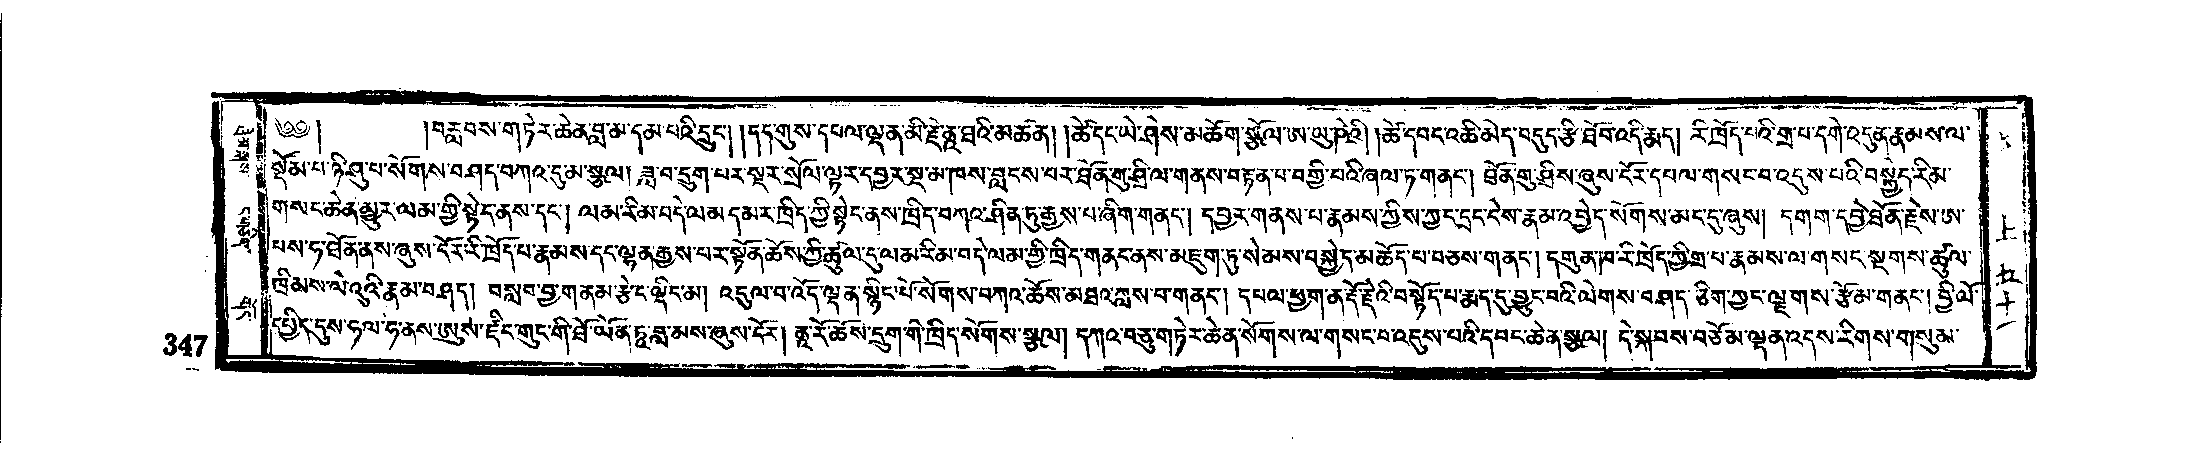༄༅། །བརླབས་གཏེར་ཆེན་བླ་མ་དམ་པའི་དྲུང་། །དད་གུས་དཔལ་ལྡན་མི་རྗེ་ནཱ་ཐའི་མཚན། །ཚེ་དང་ཡེ་ཤེས་མཆོག་སྩོལ་ཨ་ཡུ་ཥེའི། །ཚེ་དབང་འཆི་མེད་བདུད་རྩི་ཐོབ་འདི་རྨད། རི་ཁྲོད་པའི་གྲ་པ་དགེ་འདུན་རྣམས་ལ་
སྡོམ་པ་ཉི་ཤུ་པ་སོགས་བཤད་བཀའ་དུ་མ་སྩལ། ཟླ་བ་དྲུག་པར་སྔར་སྲོལ་ལྟར་དབྱར་སྔ་མ་ཁས་བླངས་པར་ཐོན་གུ་ཤྲི་ལ་གནས་བརྟན་པ་བགྱི་པའི་ཞལ་ཏ་གནང་། ཐོན་གུ་ཤྲིས་ཞུས་ངོར་དཔལ་གསང་བ་འདུས་པའི་བསྐྱེད་རིམ་
གསང་ཆེན་མྱུར་ལམ་གྱི་སྟེང་ནས་དང་། ལམ་རིམ་བདེ་ལམ་དམར་ཁྲིད་ཀྱི་སྟེང་ནས་ཁྲིད་བཀའ་ཤིན་ཏུ་རྒྱས་པ་ཞིག་གནང་། དབྱར་གནས་པ་རྣམས་ཀྱིས་ཀྱང་དྲང་ངེས་རྣམ་འབྱེད་སོགས་མང་དུ་ཞུས། དགག་དབྱེ་ཐོན་རྗེས་ཨ་
པས་ཧ་ཐོན་ནས་ཞུས་ངོར་རི་ཁྲོད་པ་རྣམས་དང་ལྷན་རྒྱས་པར་སྟོན་ཆོས་ཀྱི་ཚུལ་དུ་ལམ་རིམ་བདེ་ལམ་གྱི་ཁྲིད་གནང་ནས་མཇུག་ཏུ་སེམས་བསྐྱེད་མཆོད་པ་བཅས་གནང་། དགུན་ཁ་རི་ཁྲོད་ཀྱི་གྲ་པ་རྣམས་ལ་གསང་སྔགས་ཚུལ་
ཁྲིམས་ལེའུའི་རྣམ་བཤད། བསླབ་བྱ་གནམ་རྩེ་ང་ལྡིང་མ། འདུལ་བ་འོད་ལྡན་སྙིང་པོ་སོགས་བཀའ་ཆོས་མཐའ་ཀླས་པ་གནང་། དཔལ་ཕྱག་ན་རྡོ་རྗེའི་བསྟོད་པ་རྨད་དུ་བྱུང་བའི་ལེགས་བཤད་ཅིག་ཀྱང་ལྗགས་རྩོམ་གནང་། བྱི་ལོ་
དཔྱིད་དུས་ཧལ་ཧ་ནས་ཨུས་ཛིང་གུང་གི་ཐོ་ཡོན་ཏཱ་བླ་མས་ཞུས་ངོར། ནཱ་རོ་ཆོས་དྲུག་གི་ཁྲིད་སོགས་སྩལ། དཀའ་བཅུ་གཏེར་ཆེན་སོགས་ལ་གསང་བ་འདུས་པའི་དབང་ཆེན་སྩལ། དེ་སྐབས་བཅོམ་ལྡན་འདས་རིགས་གསུམ་